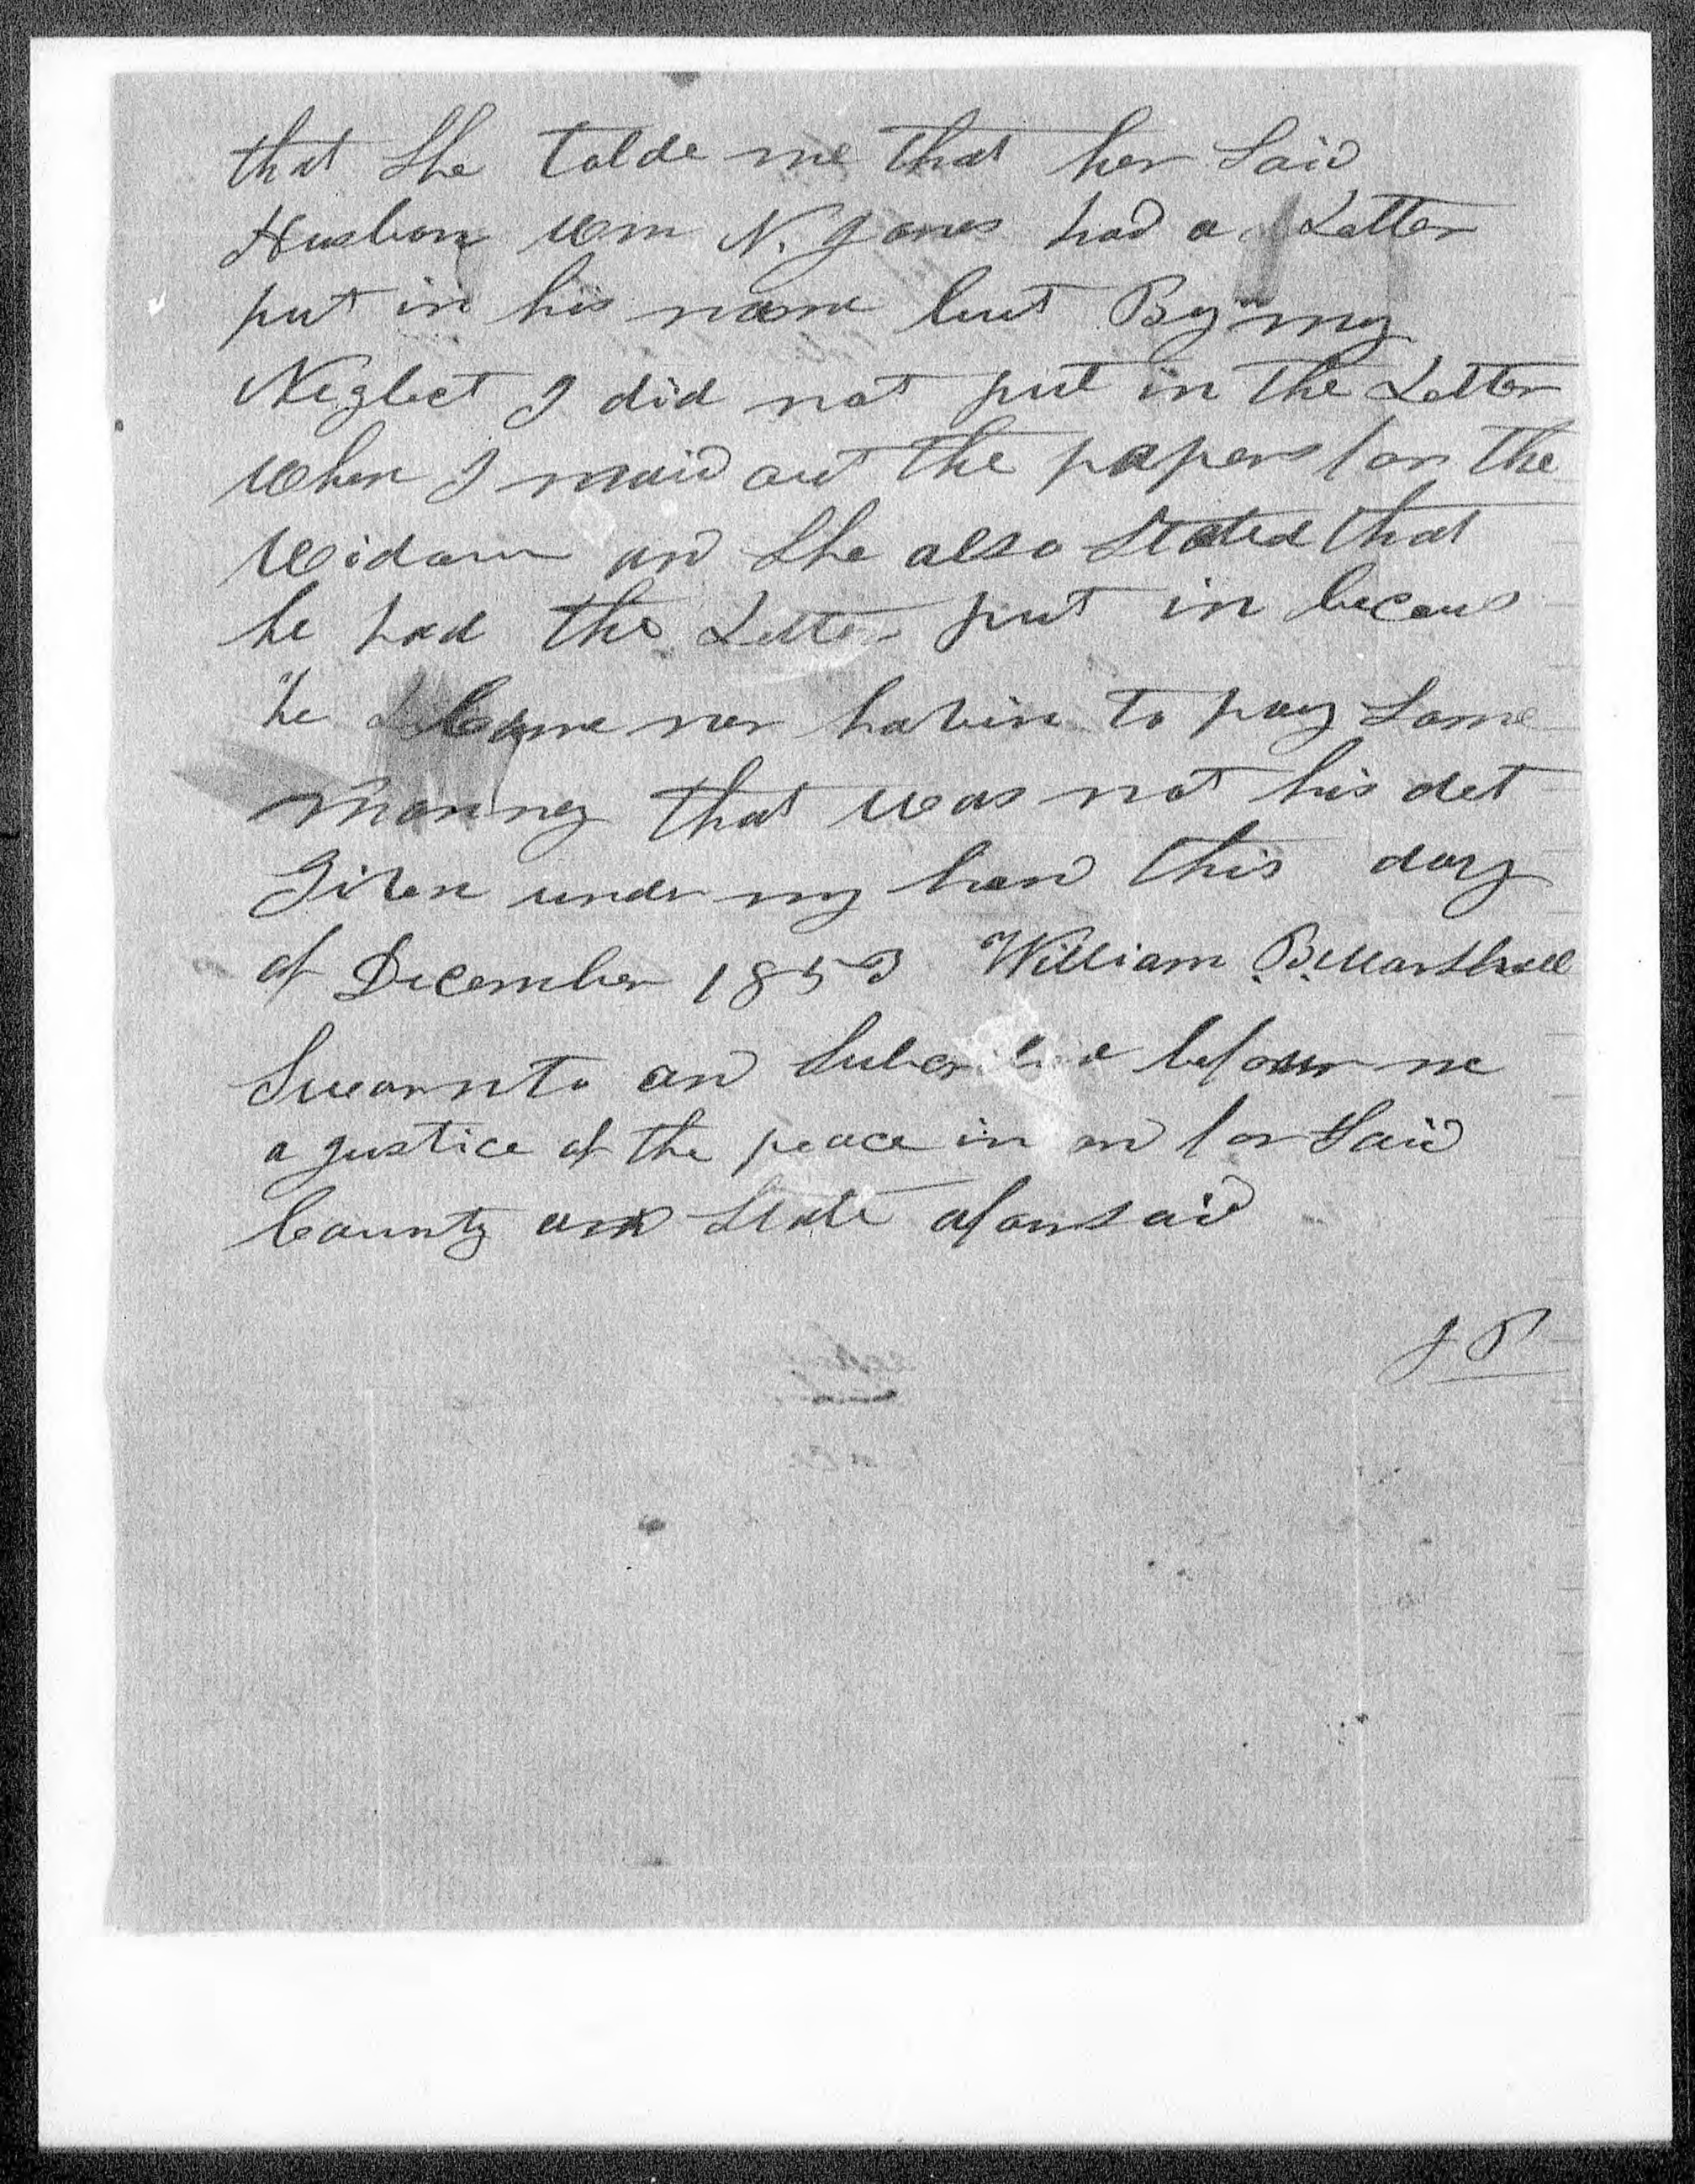that she tolde me that her said Husband Wm.  N. Jones had a Letter put in his name but By my Neglect I did not put in the Letter where I maid out the papers for the widow and she also stated that he had the Letter put in becaus he Came over having to pay some monny that was not his det 
Given under my hand this [blank] day of December 1853. William B. Marshall

Sworn to and subscribed befour me a Justice of the Peace in and for said County and State afoursaid.

JP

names: Wm N Jones; William B Marshall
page: 37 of 39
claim: widow's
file: W 6292, for William Jones, Maryland